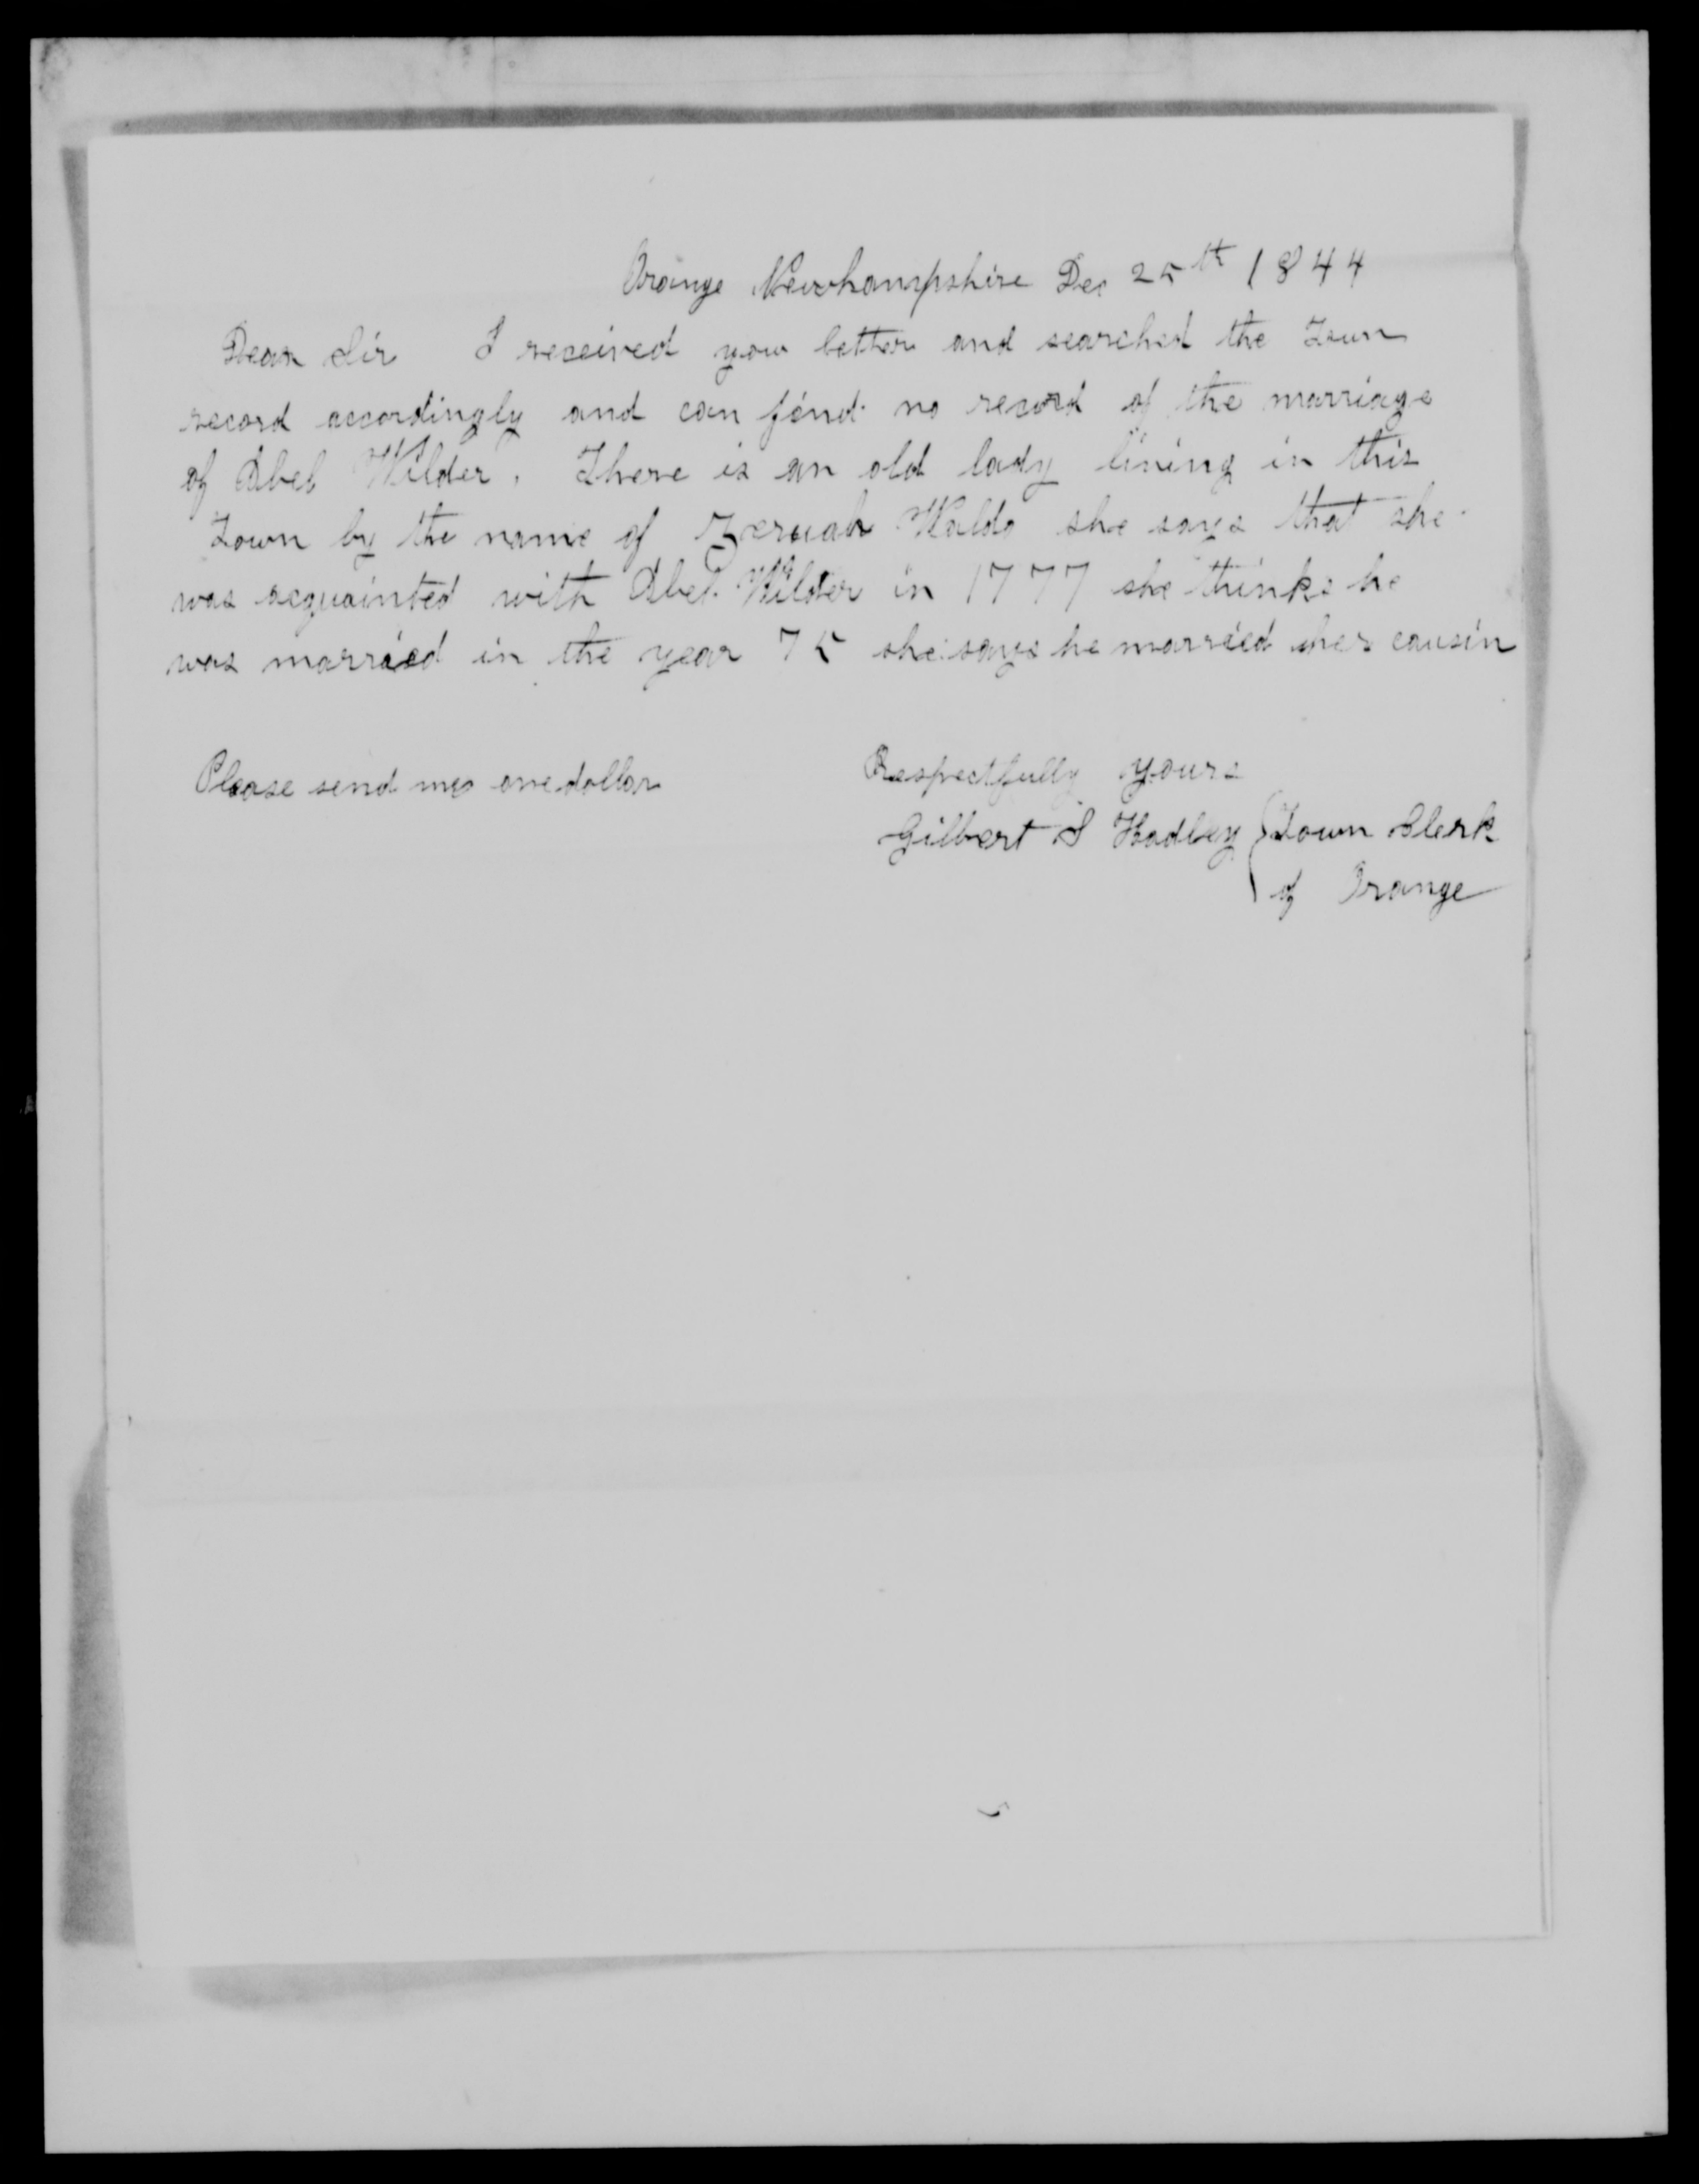Orange New Hampshire Dec 25th 1844
Dear Sir    I received your letter and searched the Town record accordingly and can find no record of the marriage of Abel Wilder. There is an old lady living in this Town by the name of Zeruah Waldo she says that she was acquainted with Abel Wilder in 1777 and she thinks that he was married in the year [7*] she says he married her cousin.

Please send me one dollar 
Respectfully yours
Gilbert S. Thadley {Town Clerk of Orange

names: Gilbert S Kadley, Zeruah Waldo, Abel Wilder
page: 21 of 40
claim: widow's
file: W. 18,426, Abel Wilder, Mass. N.H. Vt.